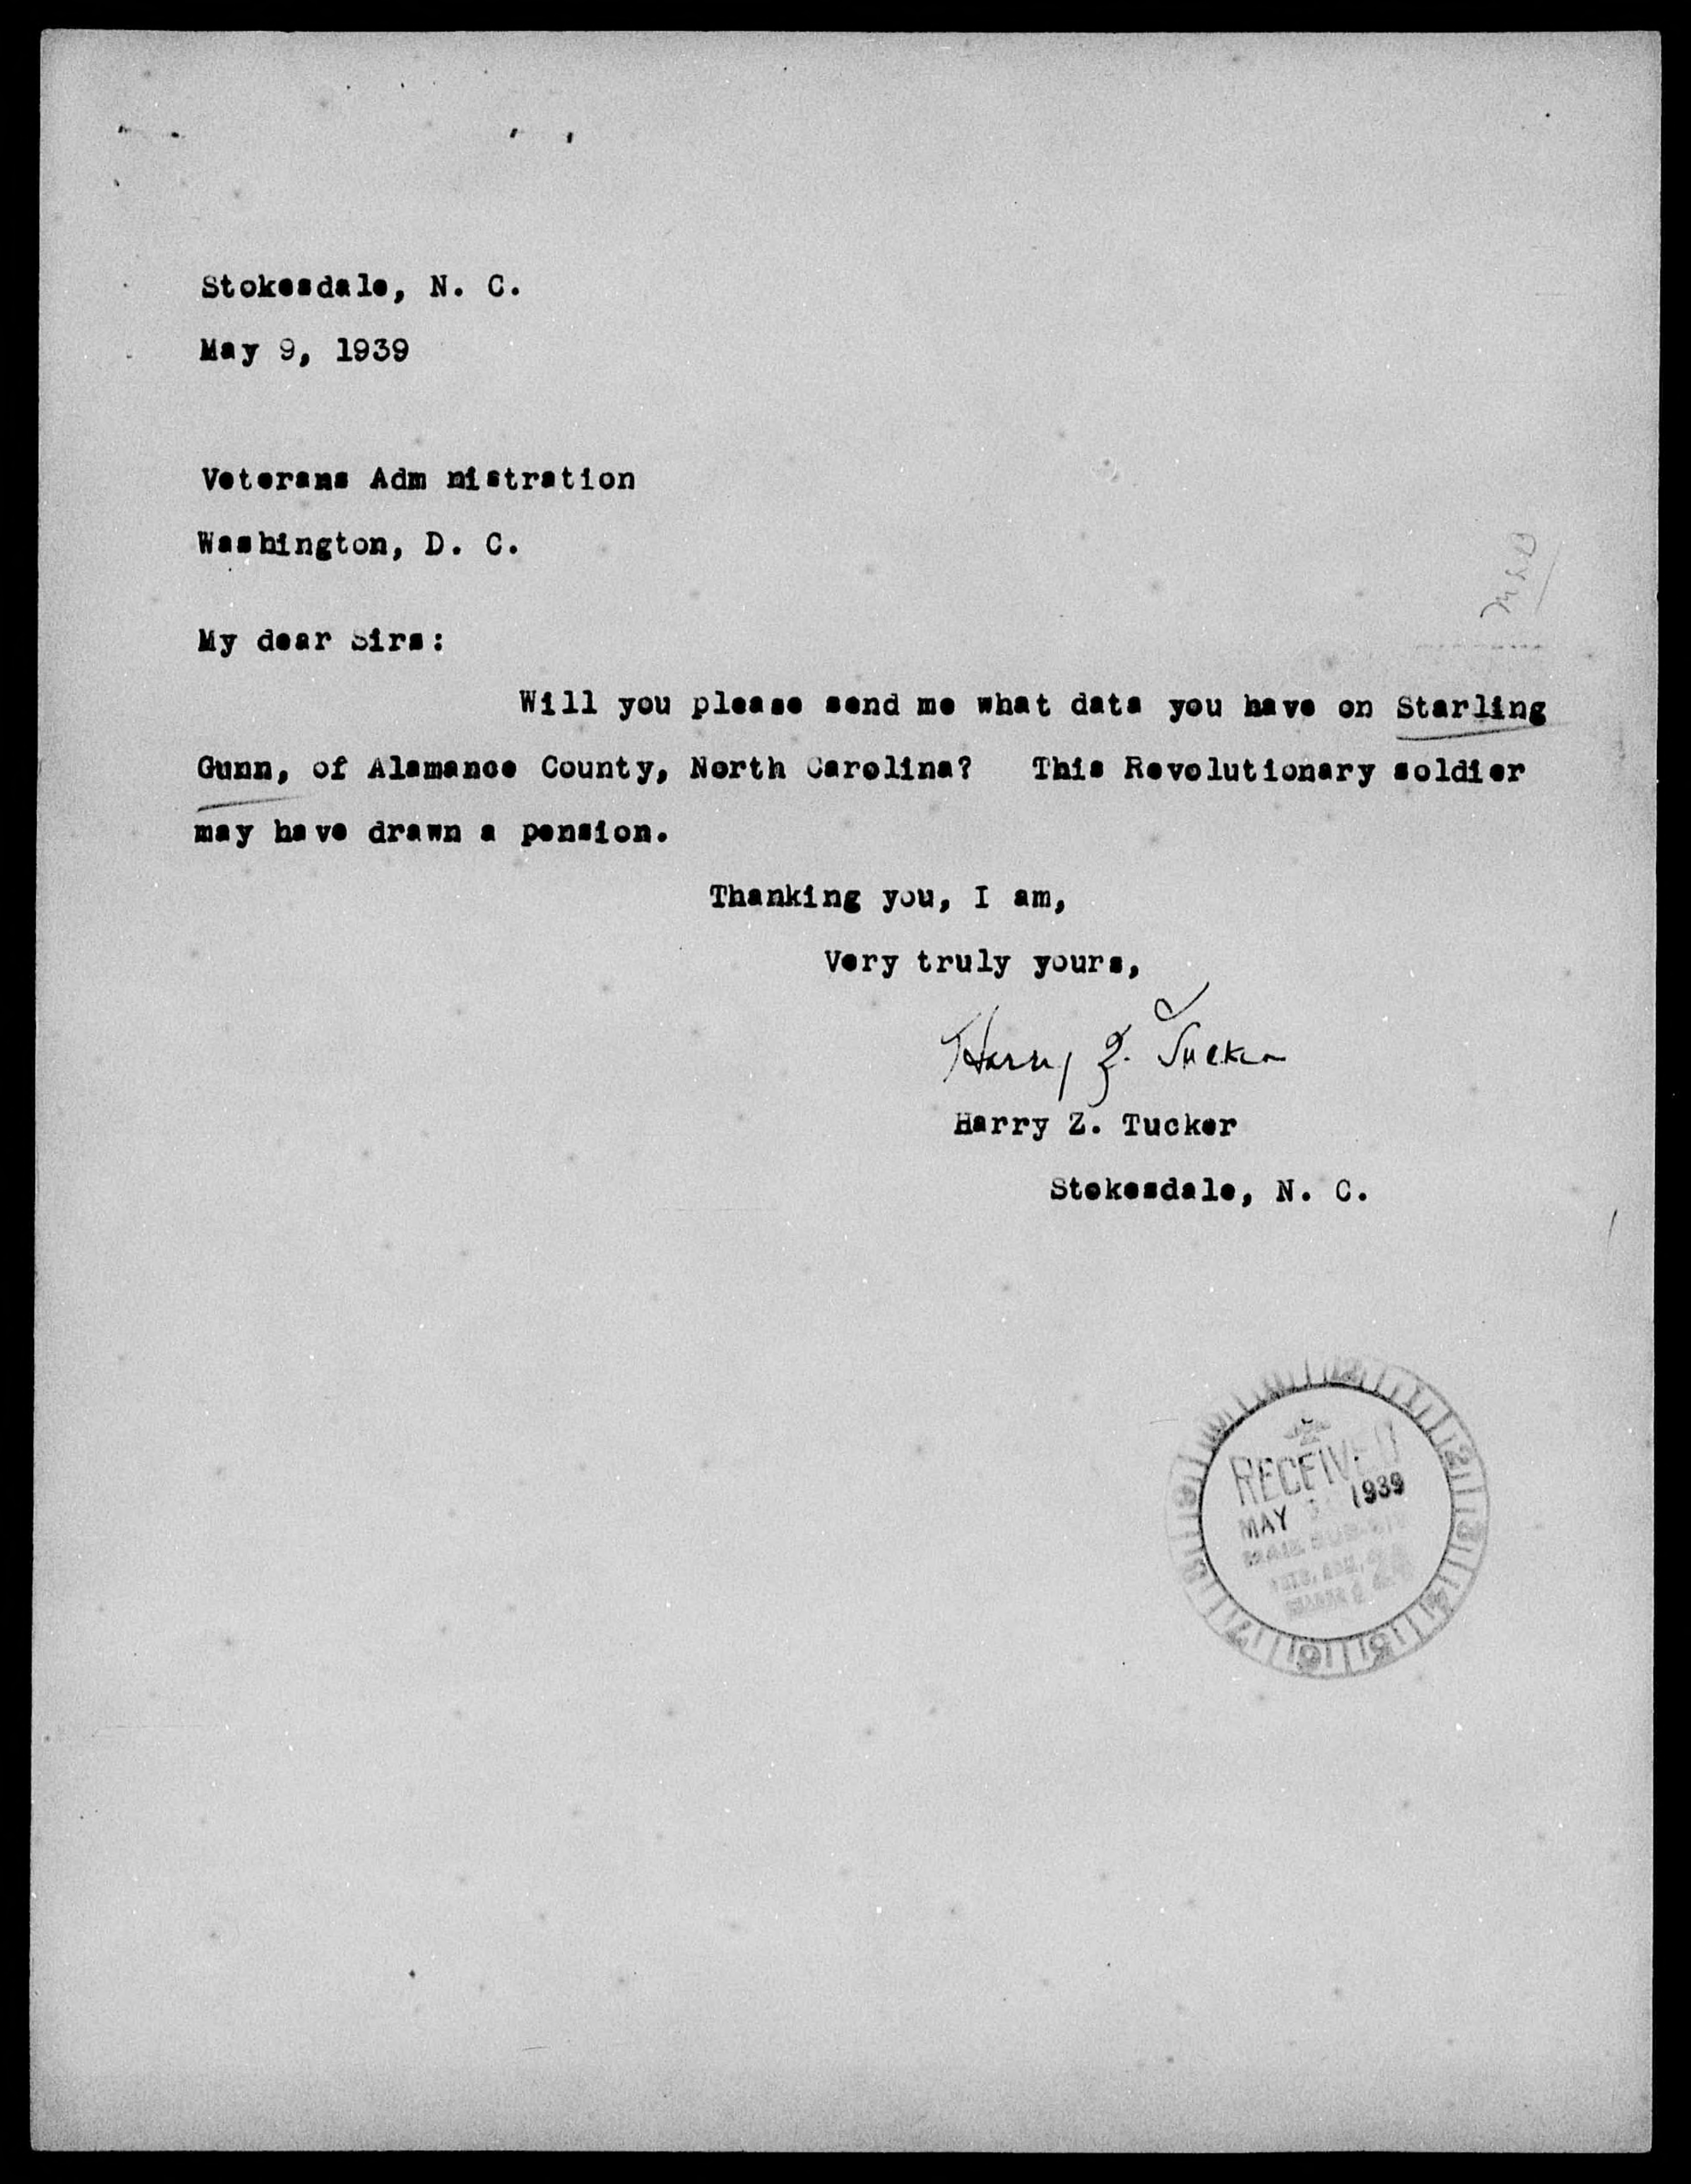Stokesdale, N. C.   May 9, 1939
Veterans Administration  Washington, D. C.
My dear Sirs:  Will you please send me what date you have on Starling Gunn, of Alamance County, North Carolina?  This Revolutionary soldier may have drawn a pension.
Thank you, I am, Very truly yours,
Harry Z. Tucker
Harry Z. Tucker
Stokesdale, N. C.

[Stamp:] 
RECEIVED  MAY 16 1939
MAIL SUB-DIV
VETS. ADM.
READER # 24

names: Starling Gunn, Harry Z Tucker, Harry Z Tucker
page: 35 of 58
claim: survivor's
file: S. 6,941, Starling Gunn, Continental Va.